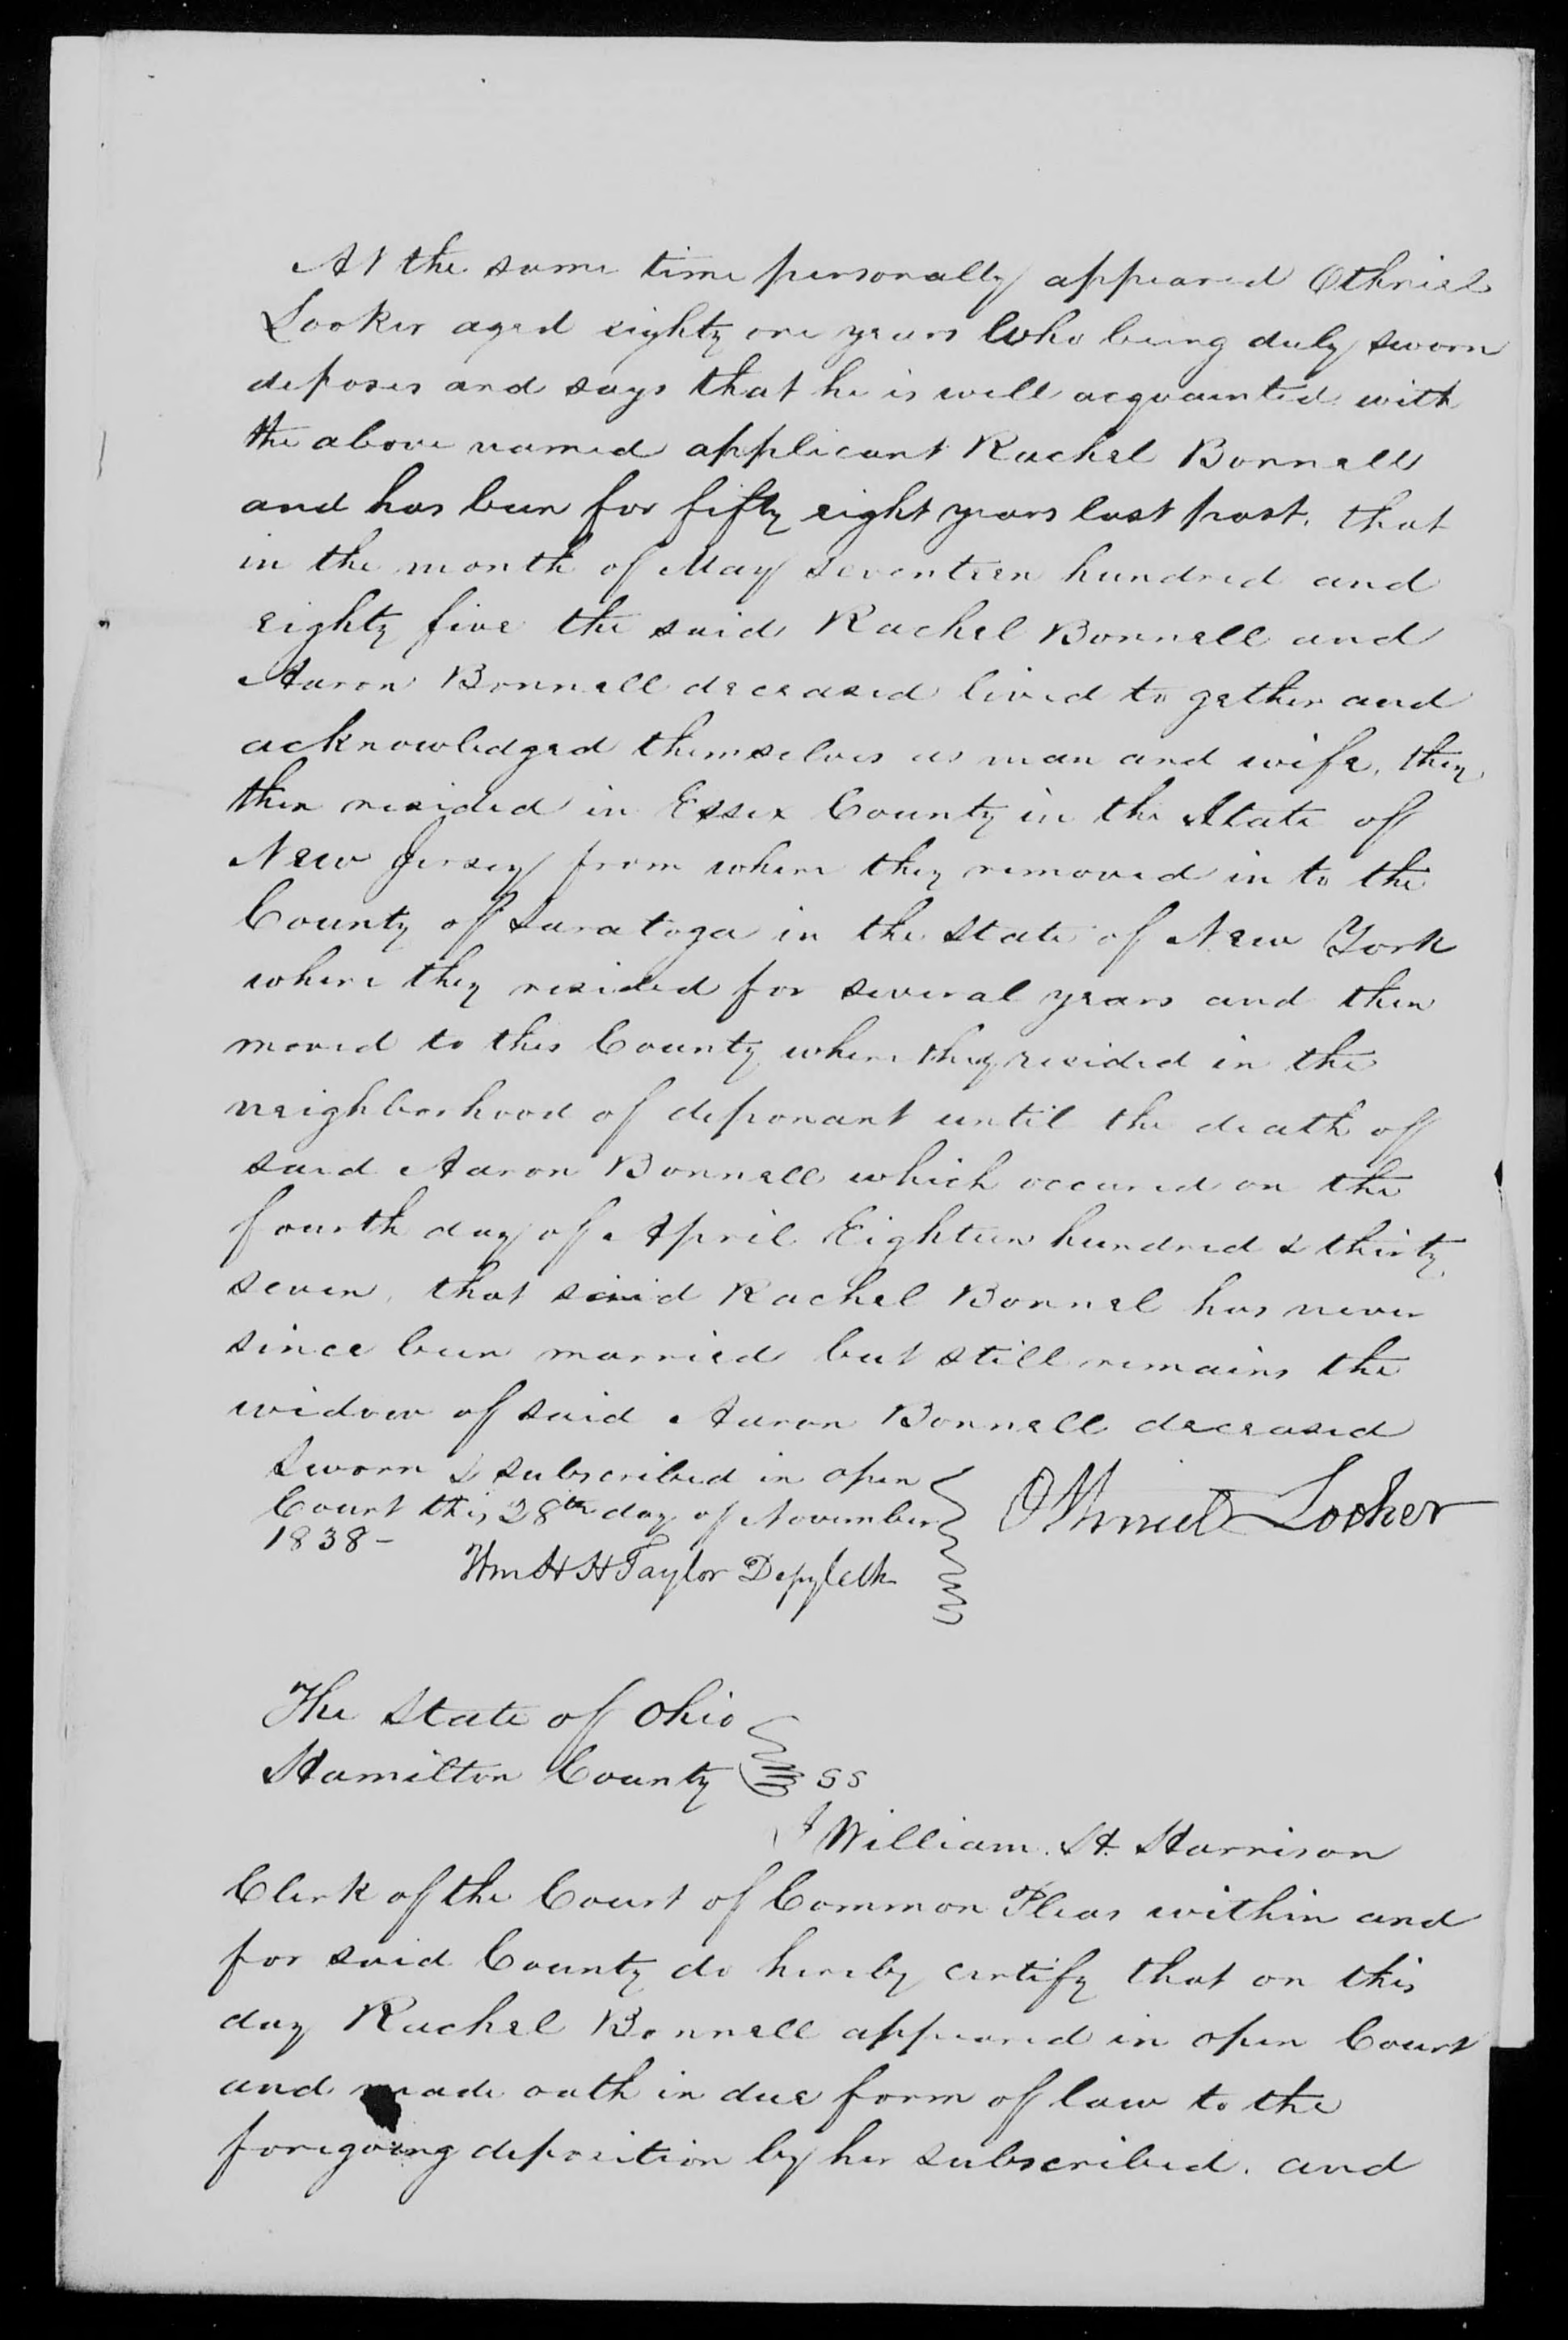At the same time personally appeared Othniel Looker aged eighty one years who being duly sworn desposes and says that he is well acquainted with the above named applicant Rachel Bonnell and has been for fifty eight years last past, that in the month of May seventeen hundred and eighty five the said Rachel Bonnell and Aaron Bonnell deceased lived together and acknowledged themselves as man and wife, they then resided in Essex County in the State of New Jersey from where they removed into the County of Saratoga in the State of New York where they resided for several years and then moved to this county where they resided in the neighborhood of deponent until the death of said Aaron Bonnell which occurred on the fourth day of April eighteen hundred & thirty seven, that said Rachel Bonnel has never since been married but still remains the widow of said Aaron Bonnell deceased.  
Othniel Looker
Sworn & subscribed in open Court this 28th day of November 1838
Wm H.H. Taylor Depy Clerk

The State of Ohio
Hamilton County }ss.
I William H Harrison, Clerk of the Court of Common Pleas within and for said county do hereby certify that on this day Rachel Bonnell appeared in open court and made oath in due form of law to the foregoing deposition by her subscribed and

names: Othniel Looker, Aaron Bonnell, Rachel Bonnell, Rachel Bonnell, Aaron Bonnell, Rachel Bonnell, Wm H H Taylor, Rachel Bonnel, William H Harrison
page: 14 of 67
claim: rejected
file: R. 1009, Aaron Bonnel, New Jersey